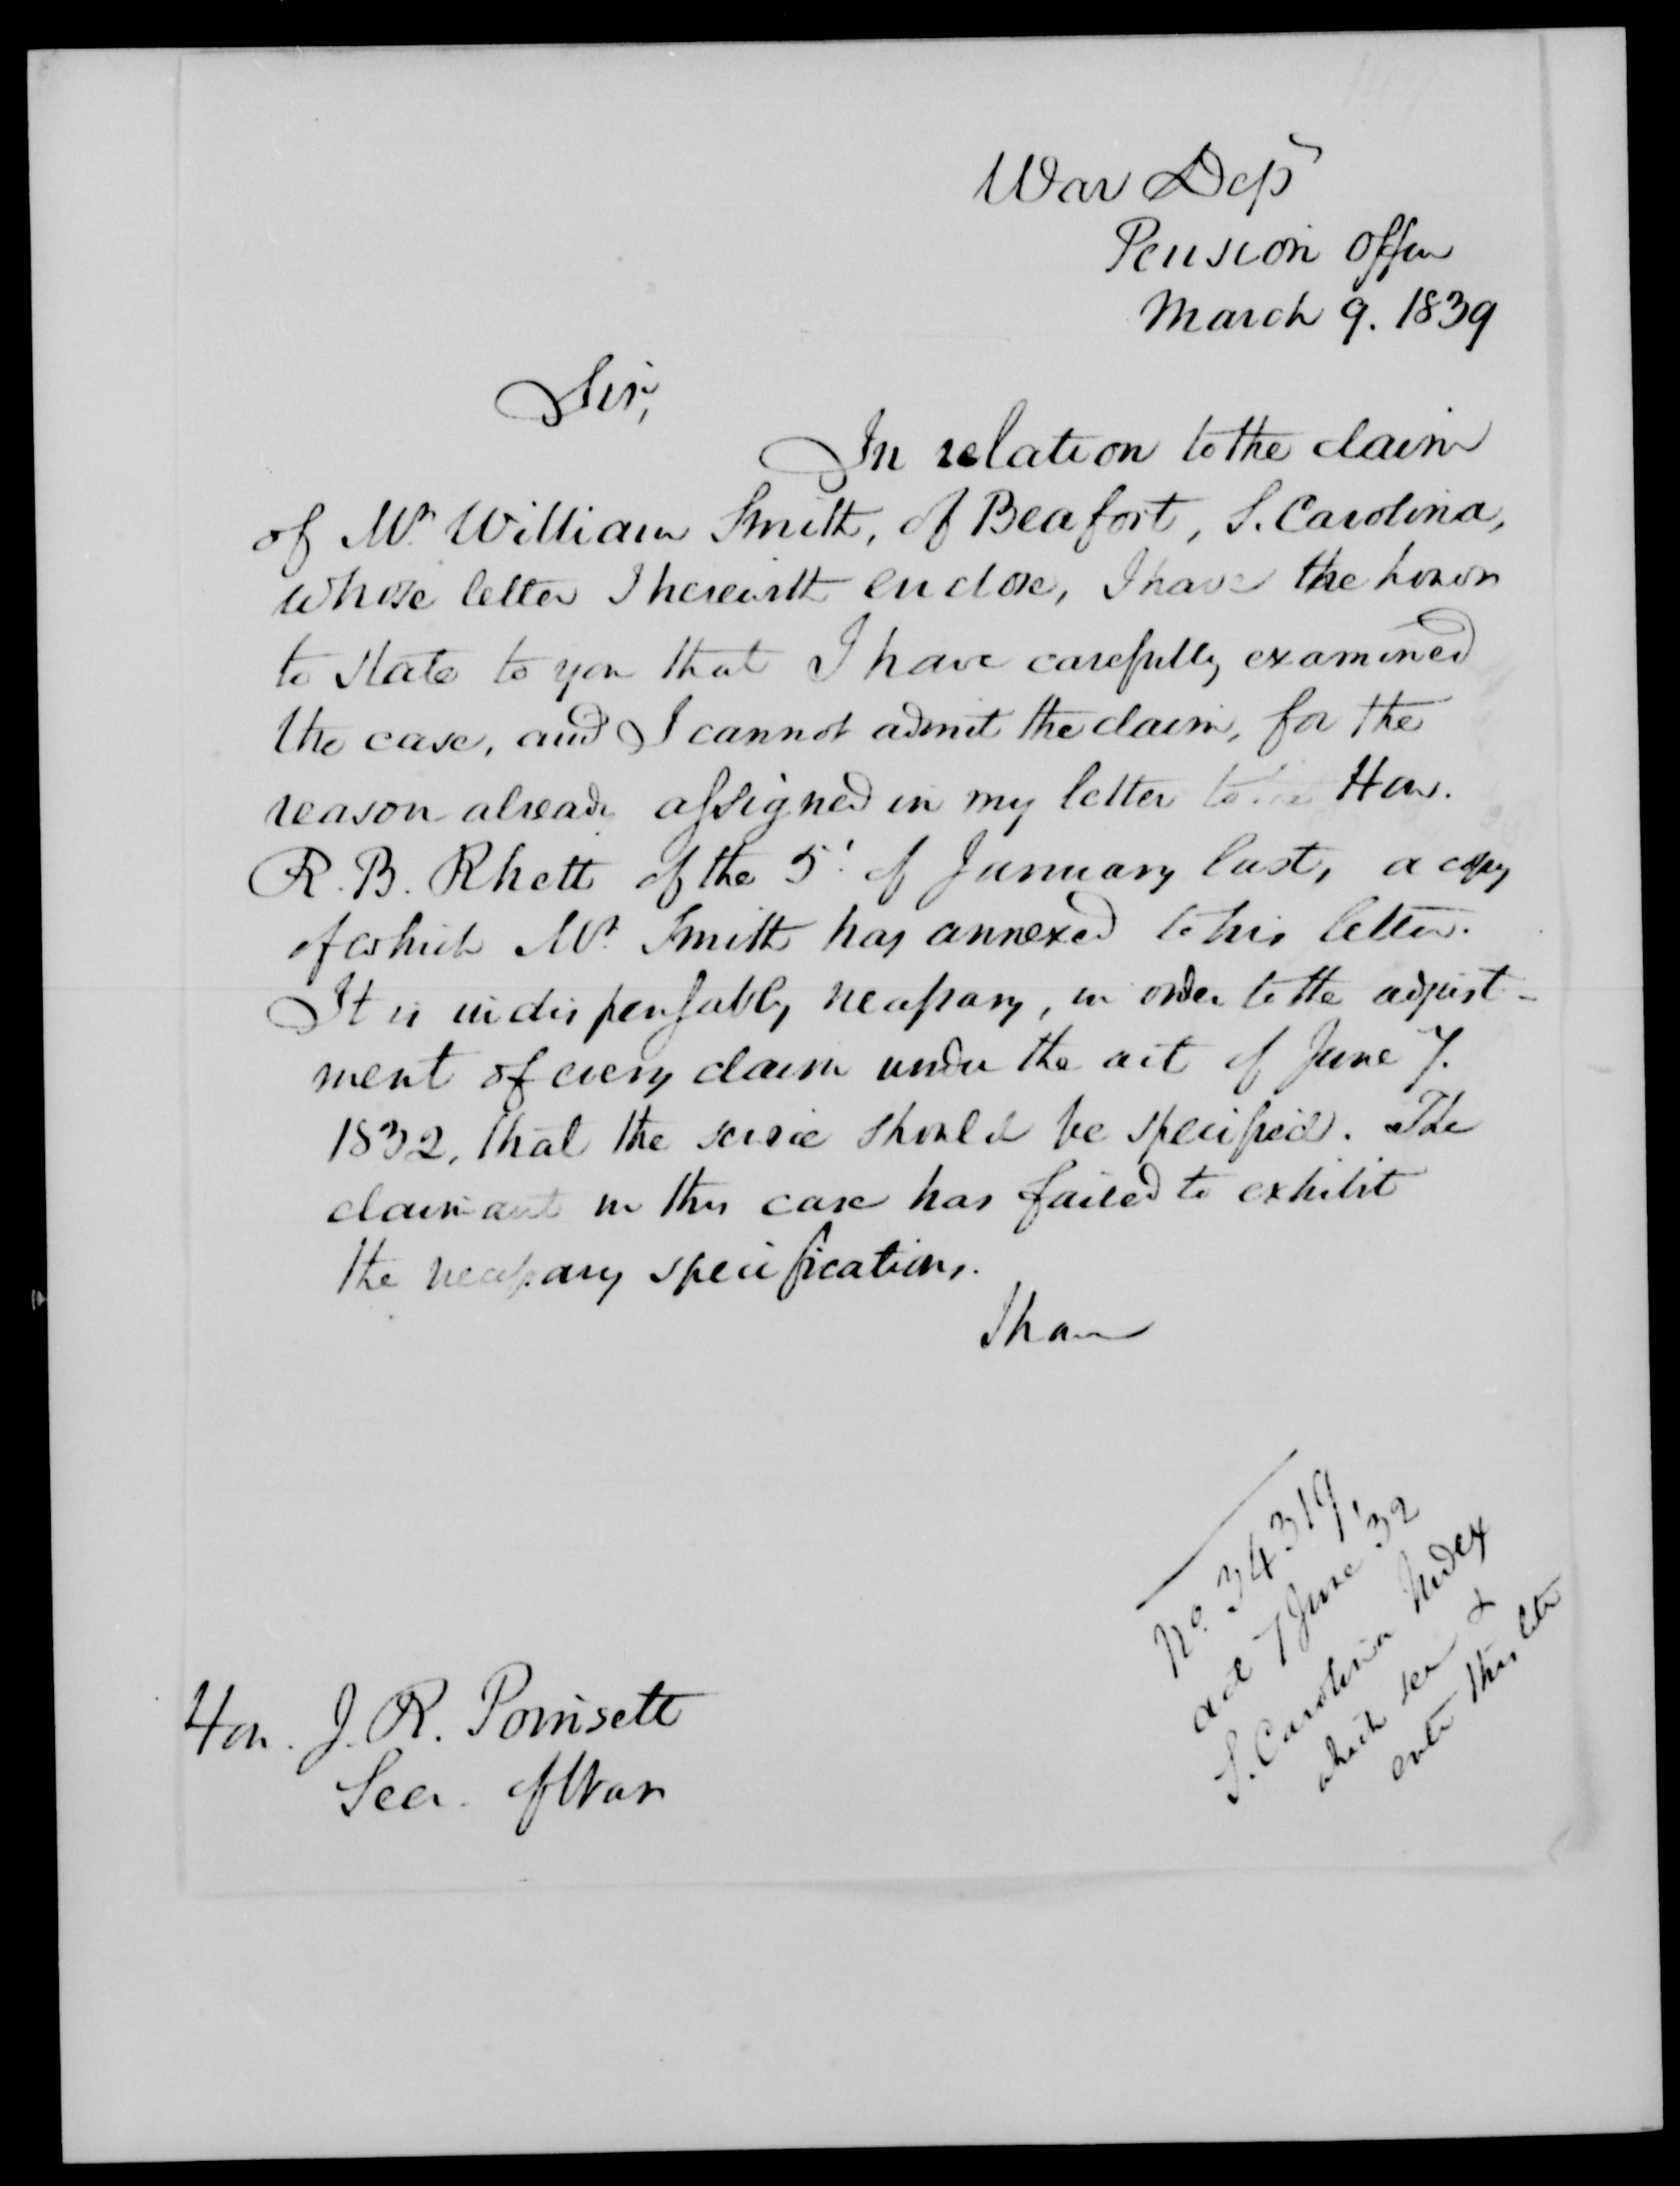War Dep
Pension Office
March 9, 1839
Sir,
In relation to the claim of Mr. William Smith, of Beafort, S. Carolina, whose letter I herewith enclose, I have the honor to state to you that I have carefully examined the case, and I cannot admit the claim, for the reason already assigned in my letter to in Hon. R.B. Rhett of the 5 of January last, a copy of which Mr. Smith has annexed to his letters. It is indispensably necessary, in order to the adjustment of every claim under the act of June 7. 1832, that the service should be specified. The claimant in this case has failed to exhibit the necessary specifications.
I have

Hon. J. R. Poinsett
Secr. of War

---
No. 34319
act 7 June '32
S. Carolina Index which ser & enter this letter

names: J R Poinsett; William Smith; [BLANK] Smith; R B Rhett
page: 15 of 21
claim: rejected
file: R. 9875, for William Smith, South Carolina